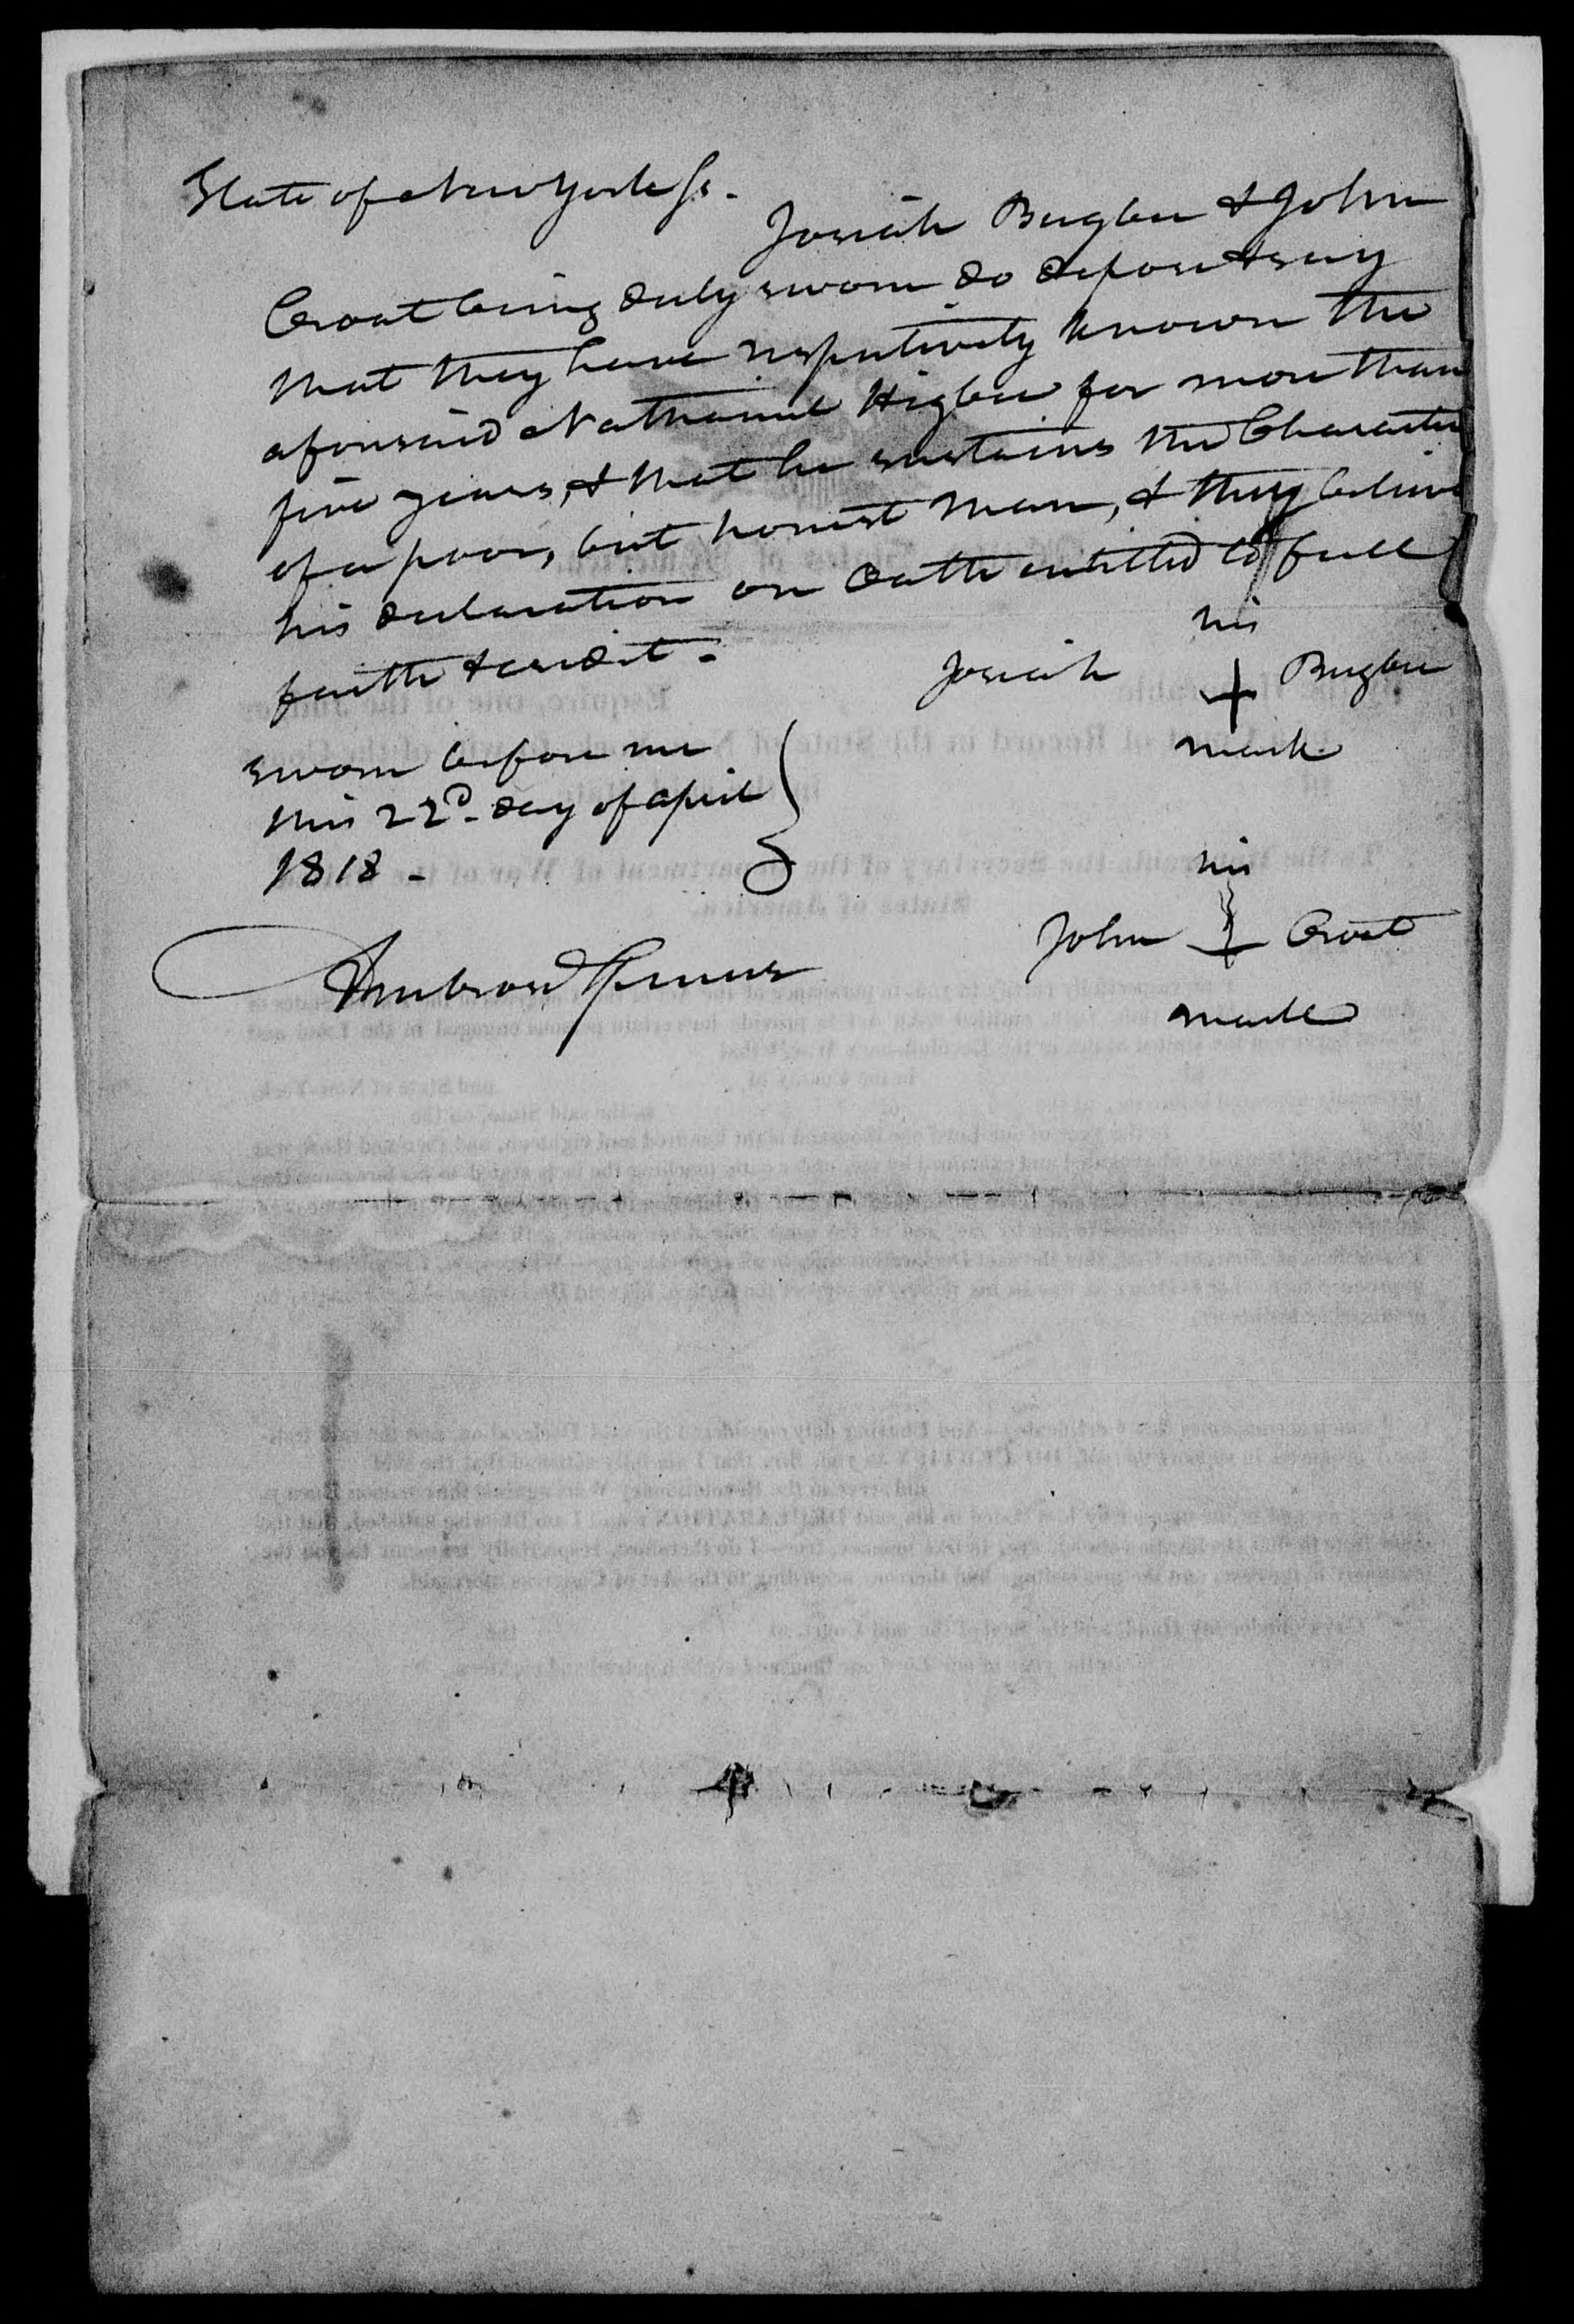State of New York fs.
Josiah Bugbee & John Croat being Duly sworn do depose & say that they have putively known the aforesaid Nathaniel Higbee for more than five years, & that he sustains that Ghasaster of a poor, but honest man, & they admire his declaration an Oath enlisted to full faith & credit.

         His
Josiah + Bugbee
        Mark

        His
John + Croat
       Mark

Sworn before me this 22nd day of April 1818.
Ambrose Spencer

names: Josiah Bugbee, John Croat, Nathaniel Higbee, Josiah Bugbee, John Croat, Ambrose Spencer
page: 14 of 25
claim: rejected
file: R. 4972, Nathaniel Higby, Conn.